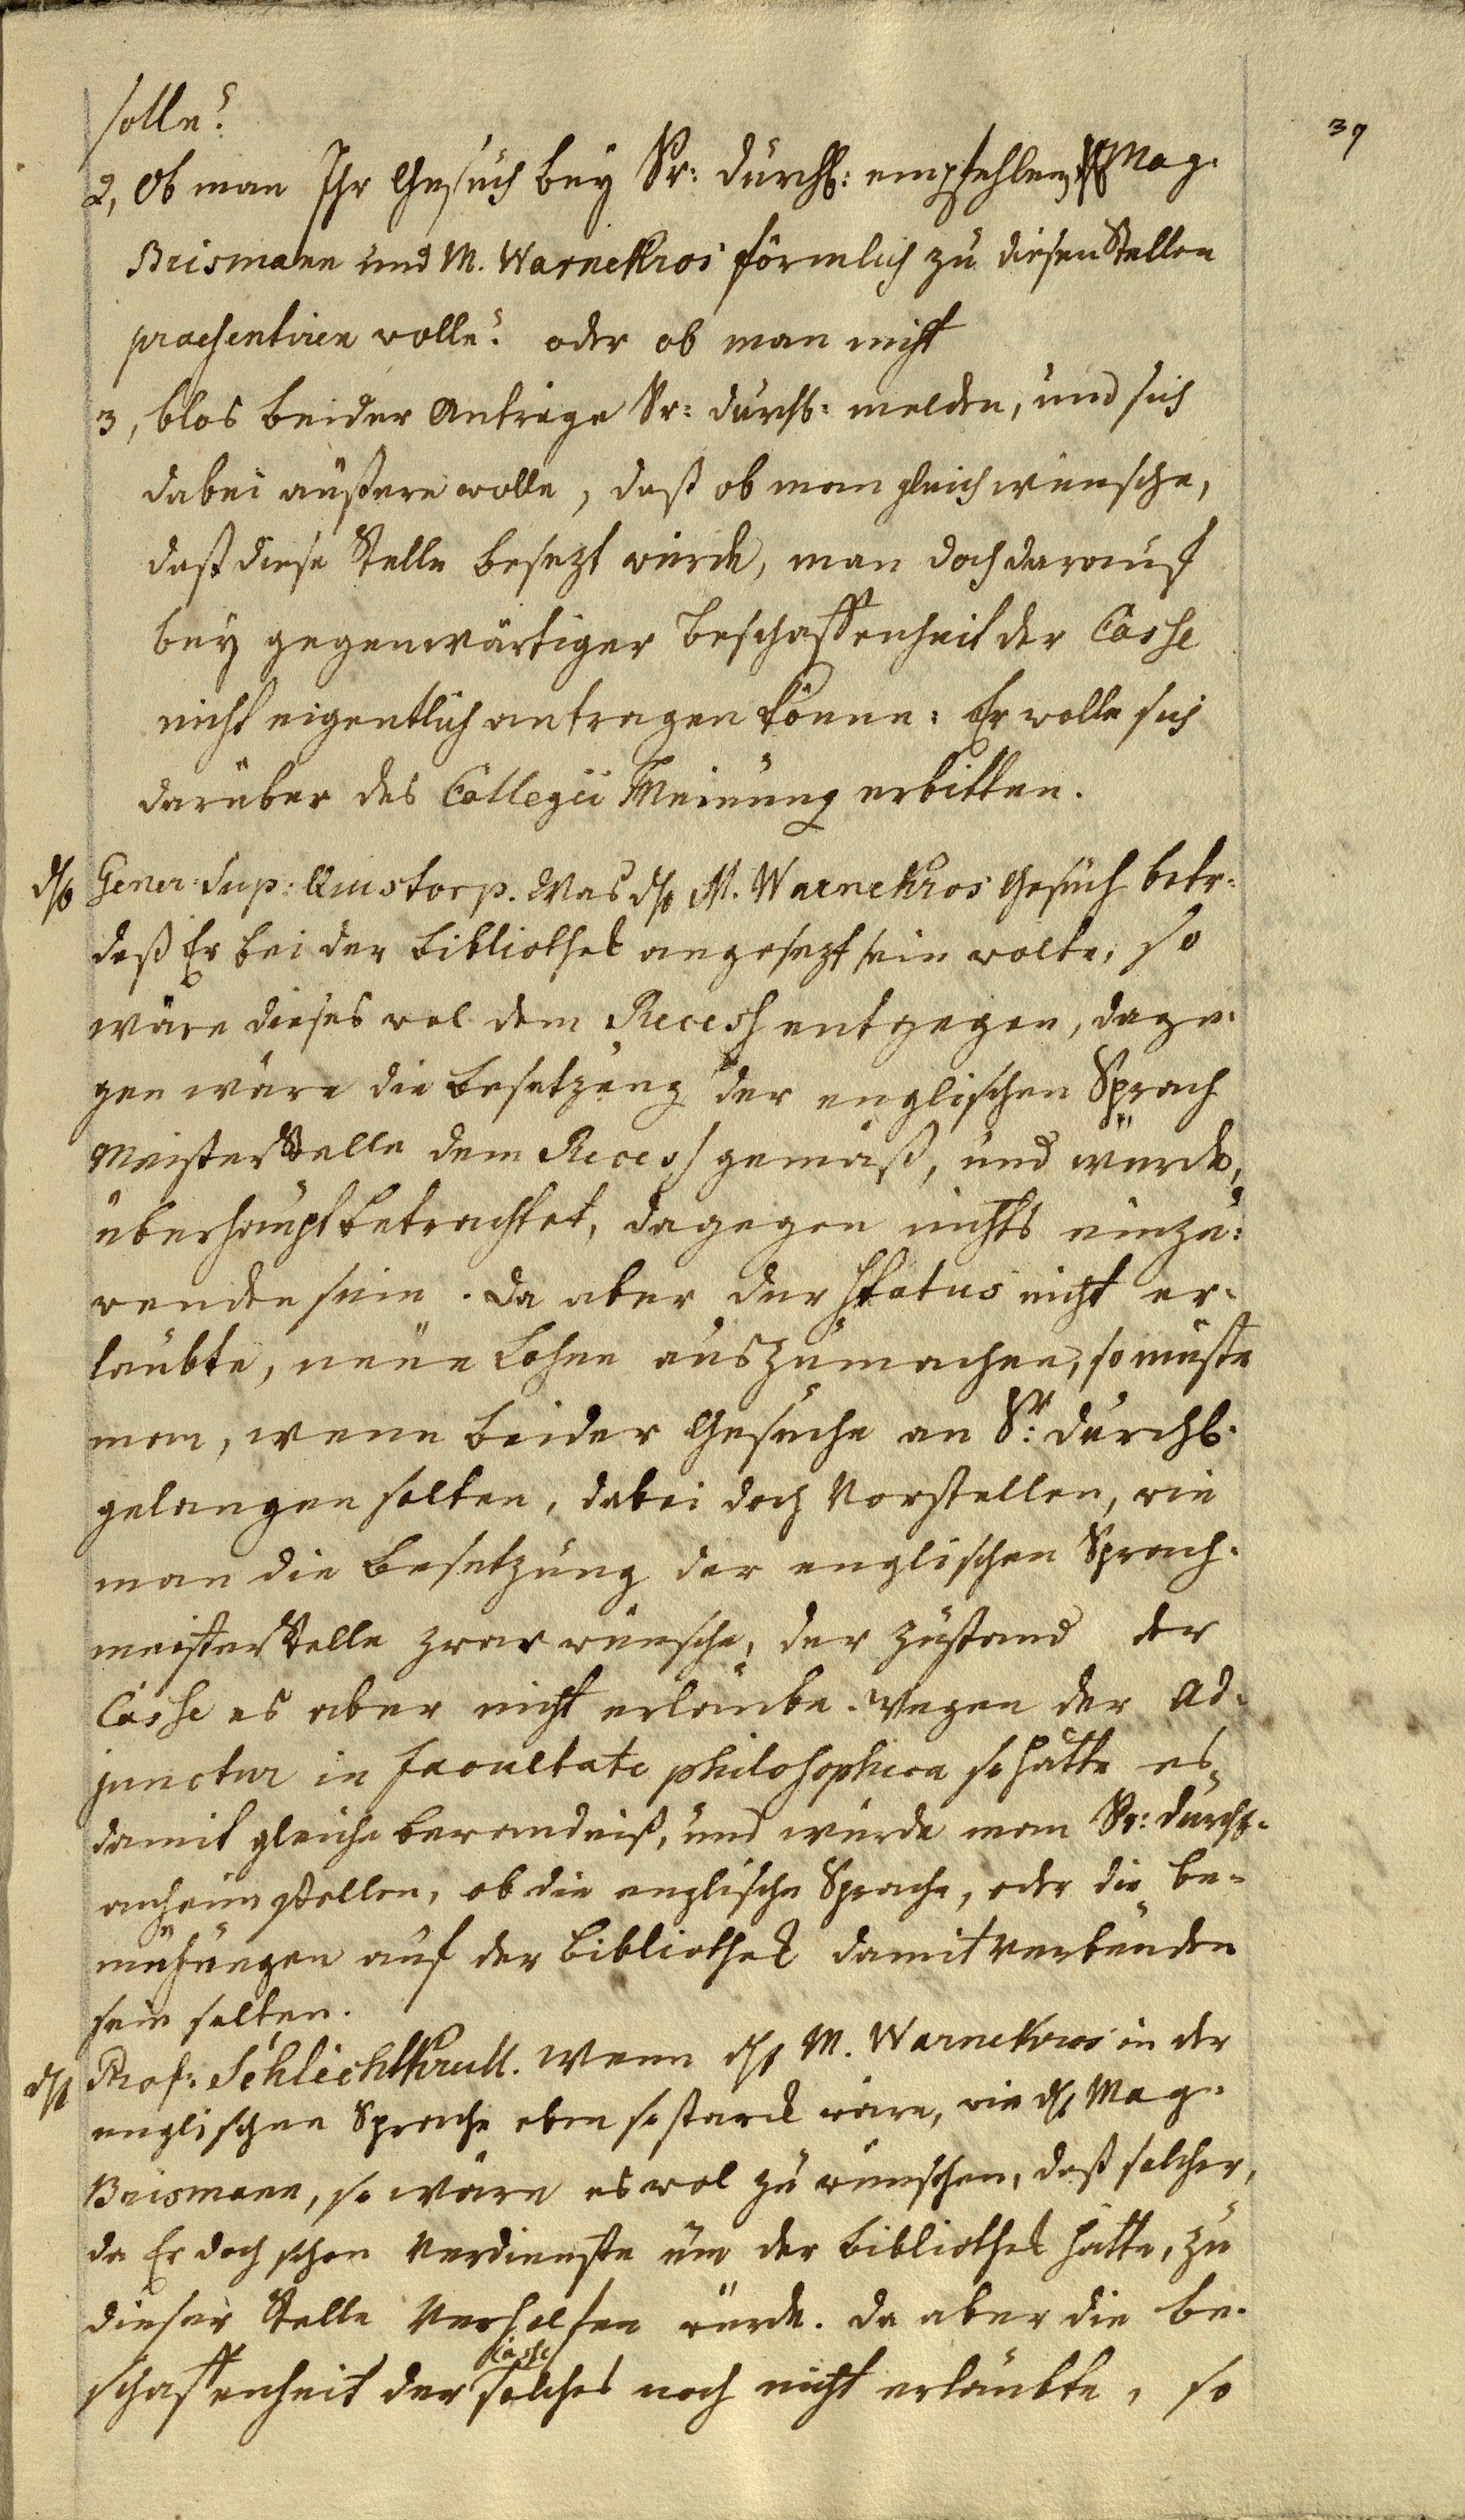solle?
2, ob man Ihr Gesuch beÿ Sr Durchl. empfehlen, dh Mag.
Brismann und M. Warnekros förmlich zu diesen Stellen
praesentiren wolle? oder ob man nicht
3, blos beider Anträge Sr Durchl. melden,und sich
dabei äußern wolle, daß ob man gleich wünsche,
daß diese Stelle besezt würde, man doch darauf
beÿ gegenwärtiger Beschaffenheit der Casse
nicht eignentlich antragen könne. Er wolte sich
darüber des Collegii Meinung erbitten.
dh. Gener.Sup. Quistorp. Was dh M. Warnekros Gesuch betr.
daß Er bei der Bibliothek angesezt sein wolte, so
wäre dieses wol dem Recess entgegen, dage¬
gen wäre die Besetzung der englischen Sprach
Meisterstelle dem Recess gemäß, und würde,
überhaupt betrachtet, dagegen nichts einzu¬
wenden sein. Da aber der Status nicht er¬
laubte, neue Lohne auszumachen, so müste
man, wenn beider Gesuche an Sr Durchl.
gelangen solten, dabei doch vorstellen, wie
man die Besetzung der englischen Sprach¬
meisterstelle zwar wünsche, der Zustand der
Casse es aber nicht erlaube. Wegen der Ad¬
junctur in Facultate philosophica so hätte es
damit gleiche Bewandniß, und würde man Sr Durchl.
anheim stellen, ob die englische Sprache, oder die Be¬
mühungen auf der Bibliothek damit verbunden
sein solten.
dh Prof. Schlichtkrull. wenn dh M. Warnekros in der
englischen Sprache eben so starck wäre, wie dh Mag.
Brismann, so wäre es wol zu wünschen, daß solcher,
da Er doch schon Verdienste um der Bibliothek hätte, zu
dieser Stelle verholfen würde. Da aber die be¬
schaffenheit der Cassesolches noch nicht erlaubte, so